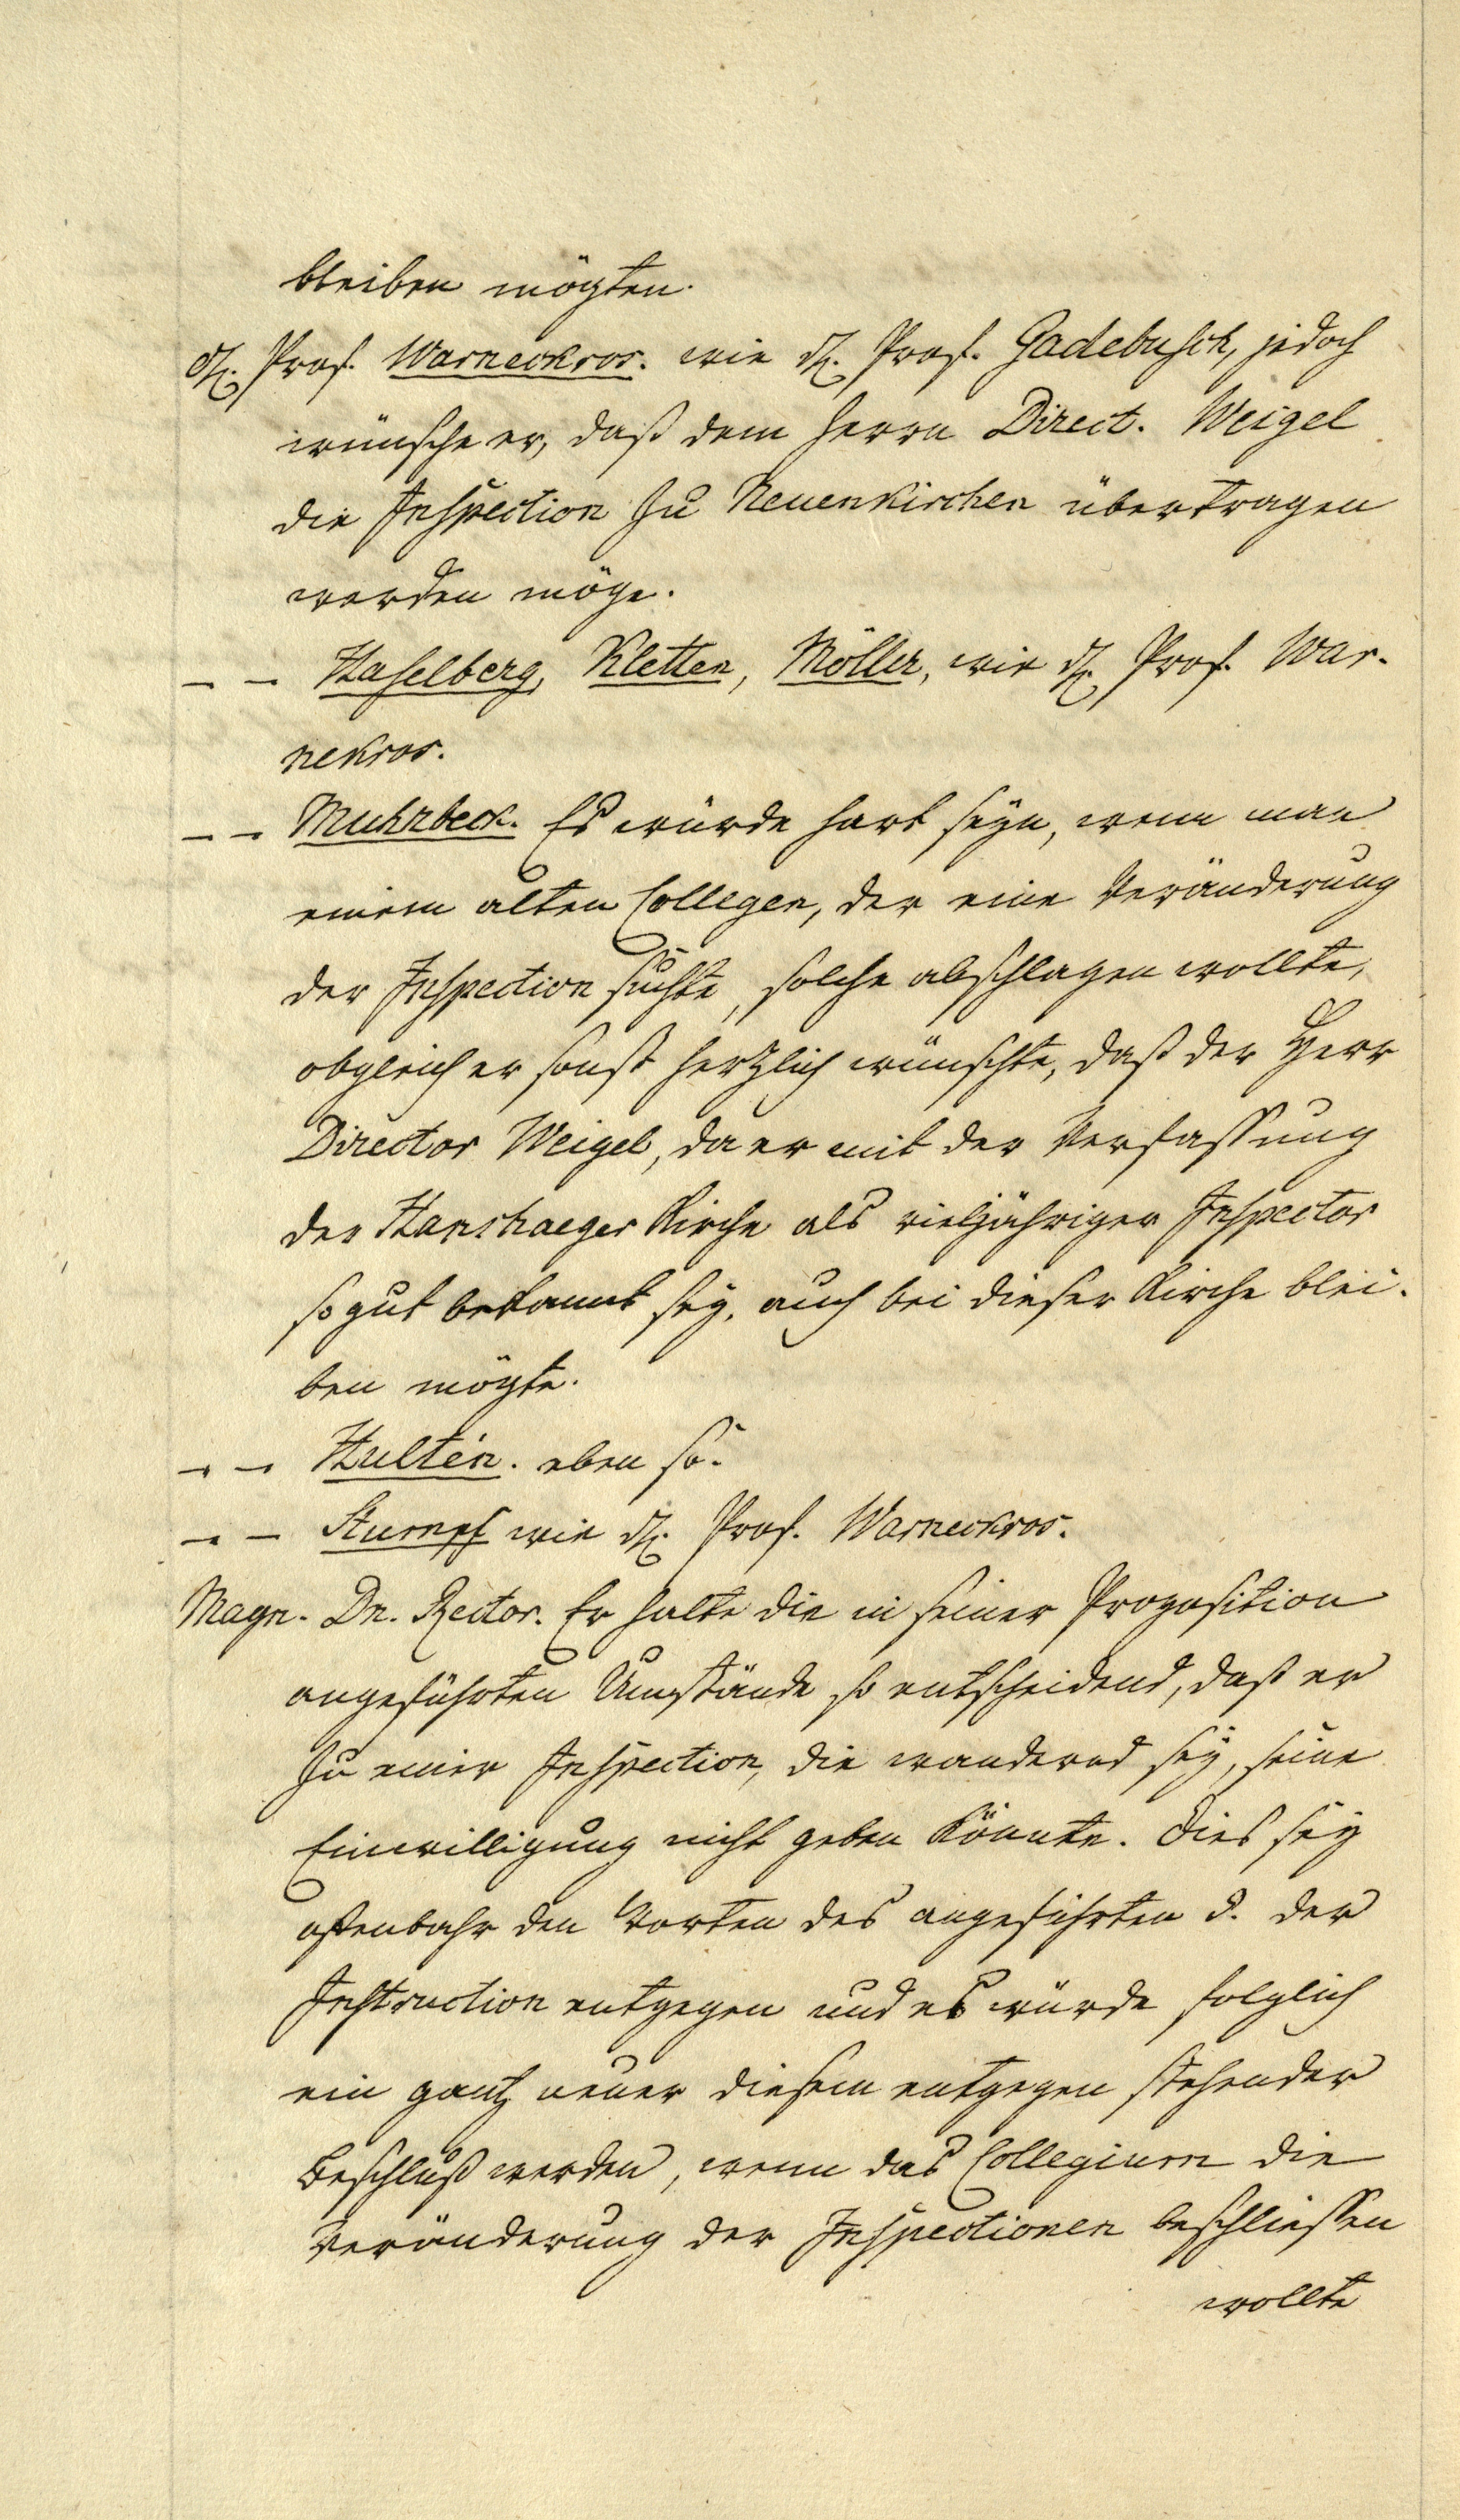bleiben mögten.
dh. Prof. Warneckros. Wie dh. Prof. Gadebusch, jedoch
wünsche er, daß dem herrn Direct. Weigel
die Inspection zu Neuenkirchen übertragen
werden möge.
- - Haselberg, Kletten, Möller wie dh. Prof. War-
nekros.
- - Muhrbeck. Es Würde hart seyn, wenn man
einem alten Collegen, der eine Veränderung
der Inspection suchte, solche abschlagen wollte,
obgleich er sonst herzlich wünschte, daß der Herr
Director Weigel, da er mit der Verfassung
der Hanshaeger Kriche als vieljähriger Inspector
so gut bekannt sey, auch bei dieser Kirche blei-
ben mögte.
- " - " Hultén. eben so.
- " - Stumpf wie dh. Prof. Warneckros.
Magn. Dn. Rector. Er halte die in seiner Proposition
angeführten Umstände so entscheidend, daß er
zu einer Inspection, die wandernd sey, seine
Einwilligung nicht geben könnte. Dies sey
offenbahr den Worten des angeführten § der
Instruction entgegen und es würde folglich
ein gantz neuer diesem entgegen stehender
Beschluß werden, wenn das Collegium die
Veränderung der Inspectionen beschliessen
wollte